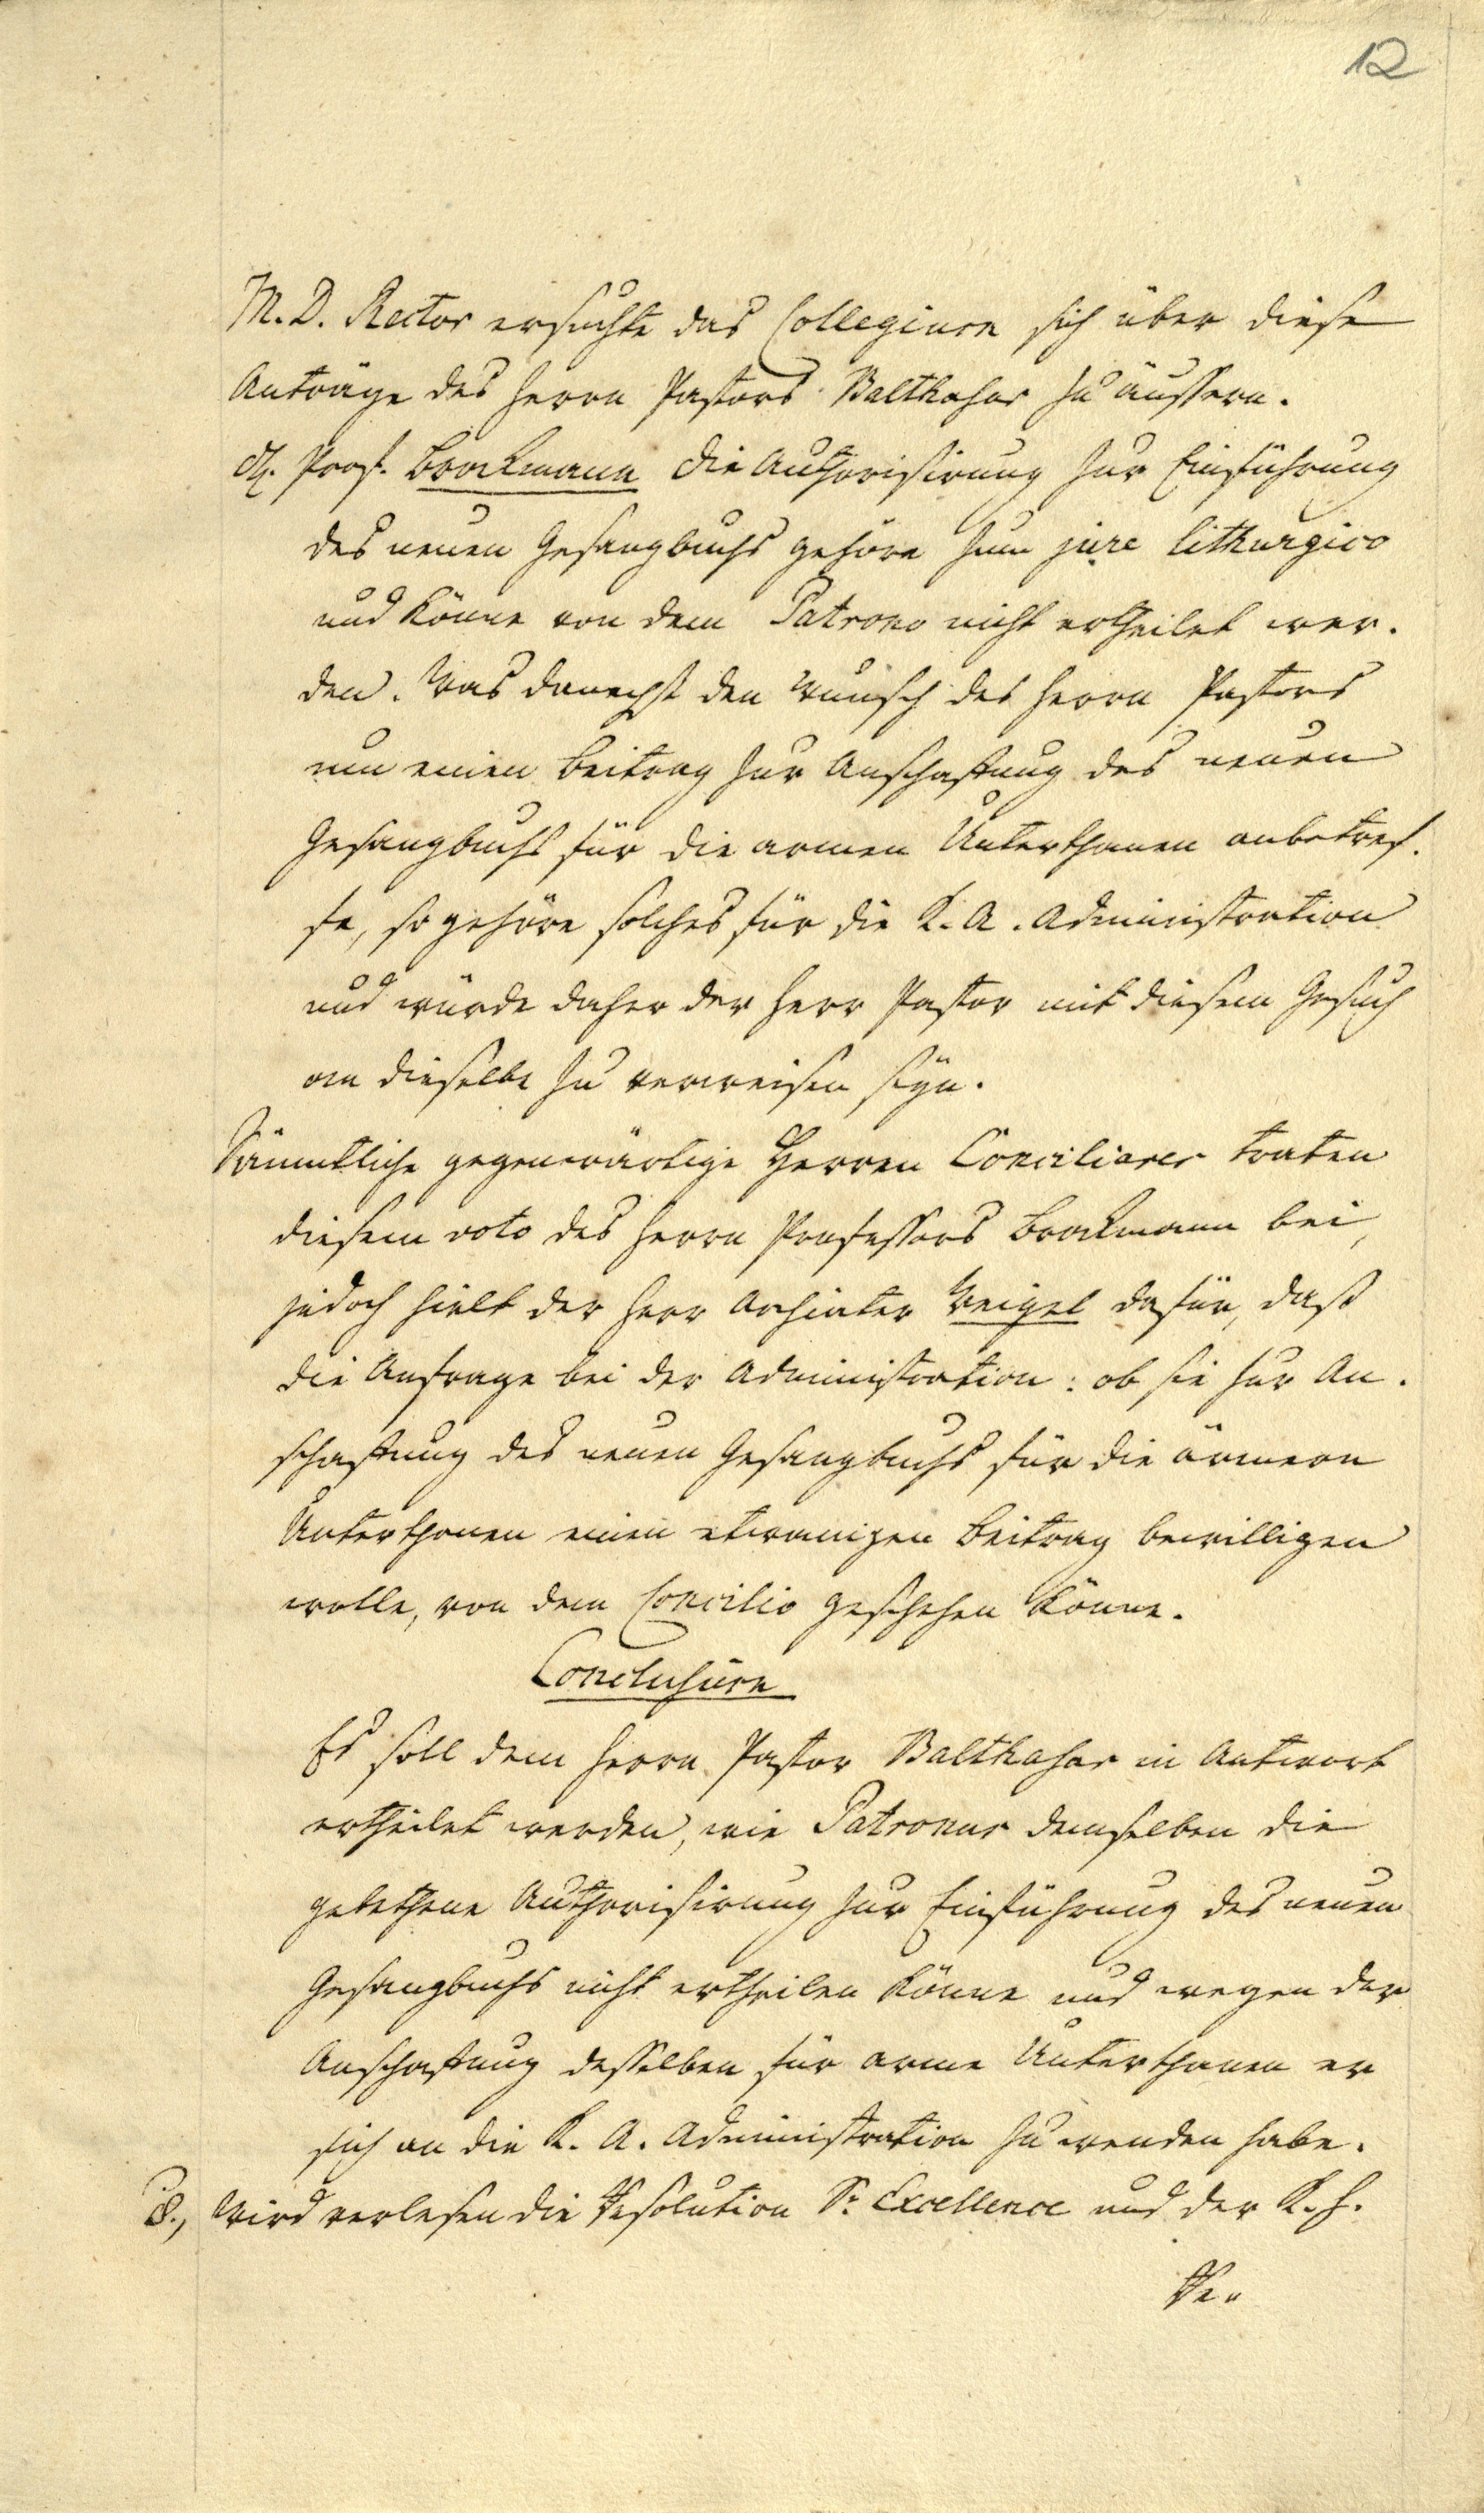M. D. Rector ersuchte das Collegium sich über diese
Anträge des herrn Pastors Balthasar zu äussern.
dh. Prof. Brockmann. Die Authorisirung zur Einführung
des neuen Gesangbuchs gehöre zum jure lithurgico
und könne von dem Patrono nicht ertheilet wer¬
den. Was danechst den Wunsch des herrn Pastors
um einen Beitrag zur Anschafung des neuen
Gesangbuchs für die armen Unterthanen anbetref¬
fe, so gehöre solches für die K. A. Administration
und würde daher der herr Pastor mit diesem Gesuch
an dieselbe zu verweisen seÿn.
Sämmtliche gegenwärtige Herren Conciliares traten
diesem voto des herrn Professors Brockmann bei,
jedoch hielt der herr Archiater Weigel dafür, daß
die Anfrage bei der Administration: ob sie für An¬
schafung des neuen Gesangbuchs für die ärmern
Unterthanen einen etwanigen Beitrag bewilligen
wolle, von dem Concilio geschehen könne.
Conclusum
Es soll dem herrn Pastor Balthasar in Antwort
ertheilet werden, wie Patronus demselben die
gebethene Authorisirung zur Einführung des neuen
Gesangbuchs nicht ertheilen könne und wegen der
Anschafung desselben für arme Unterthanen er
sich an die K. A. Administration zu wenden habe.
8. Wird verlesen die Resolution Sr. Excellence und der K. h.
Re.